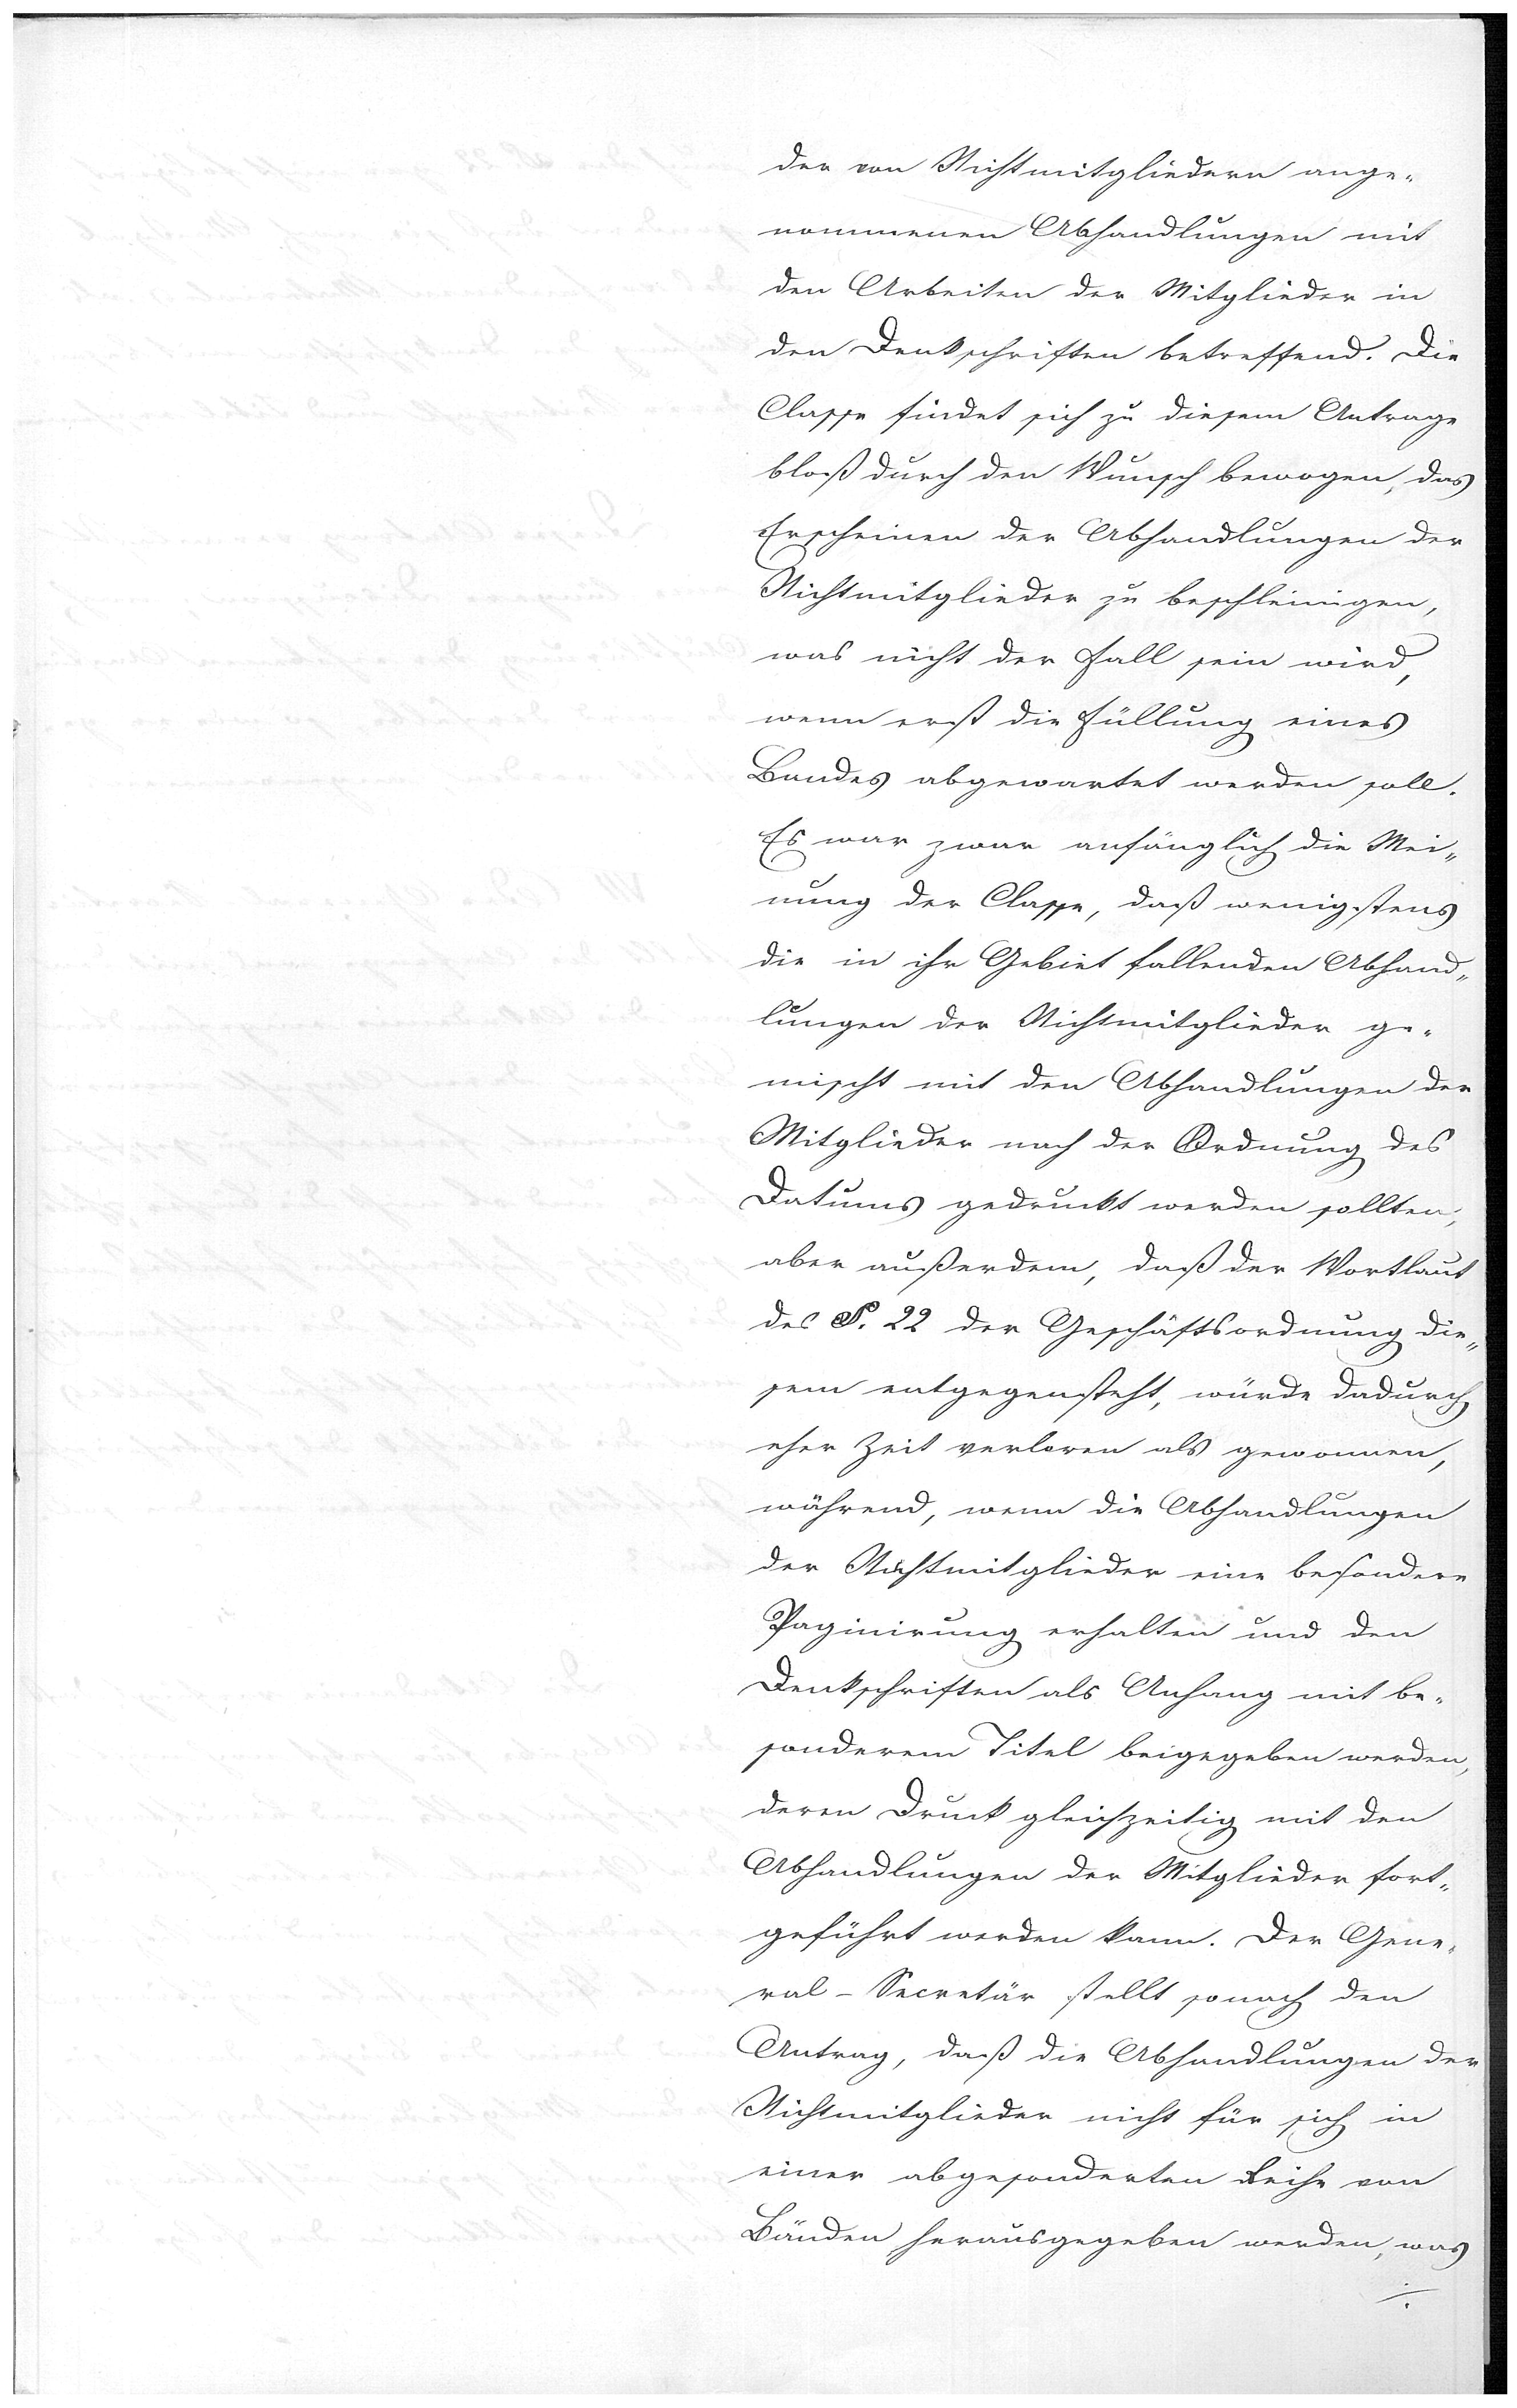der von Nichtmitgliedern ange-
nommenen Abhandlungen mit
den Arbeiten der Mitglieder in
den Druckschriften betreffend. Die
Classe findet sich zu diesem Antrage
bloß durch den Wunsch bewogen, das
Erscheinen der Abhandlungen der
Nichtmitglieder zu beschleunigen,
was nicht der Fall sein wird,
wenn erst die Füllung eines
Bandes abgewartet werden soll.
Es war zwar anfänglich der Mei-
nung der Classe, daß wenigstens
die in ihr Gebiet fallenden Abhand-
lungen der Nichtmitglieder ge-
mischt mit den Abhandlungen der
Mitglieder nach der Ordnung des
Datums gedruckt werden sollten,
aber außerdem, daß der Wortlaut
des § 22 der Geschäftsordnung die-
sem entgegensteht, würde dadurch
eher Zeit verloren als gewonnen,
während, wenn die Abhandlungen
der Nichtmitglieder eine besondere
Paginirung erhalten und den
Druckschriften als Anhang mit be-
sonderem Titel beigegeben werden,
deren Druck gleichzeitig mit den
Abhandlungen der Mitglieder fort-
geführt werden kann. Der Gene-
ral-Secretär stellt sonach den
Antrag, daß die Abhandlungen der
Nichtmitglieder nicht für sich in
einer abgesonderten Reihe von
Bänden herausgegeben werden, was